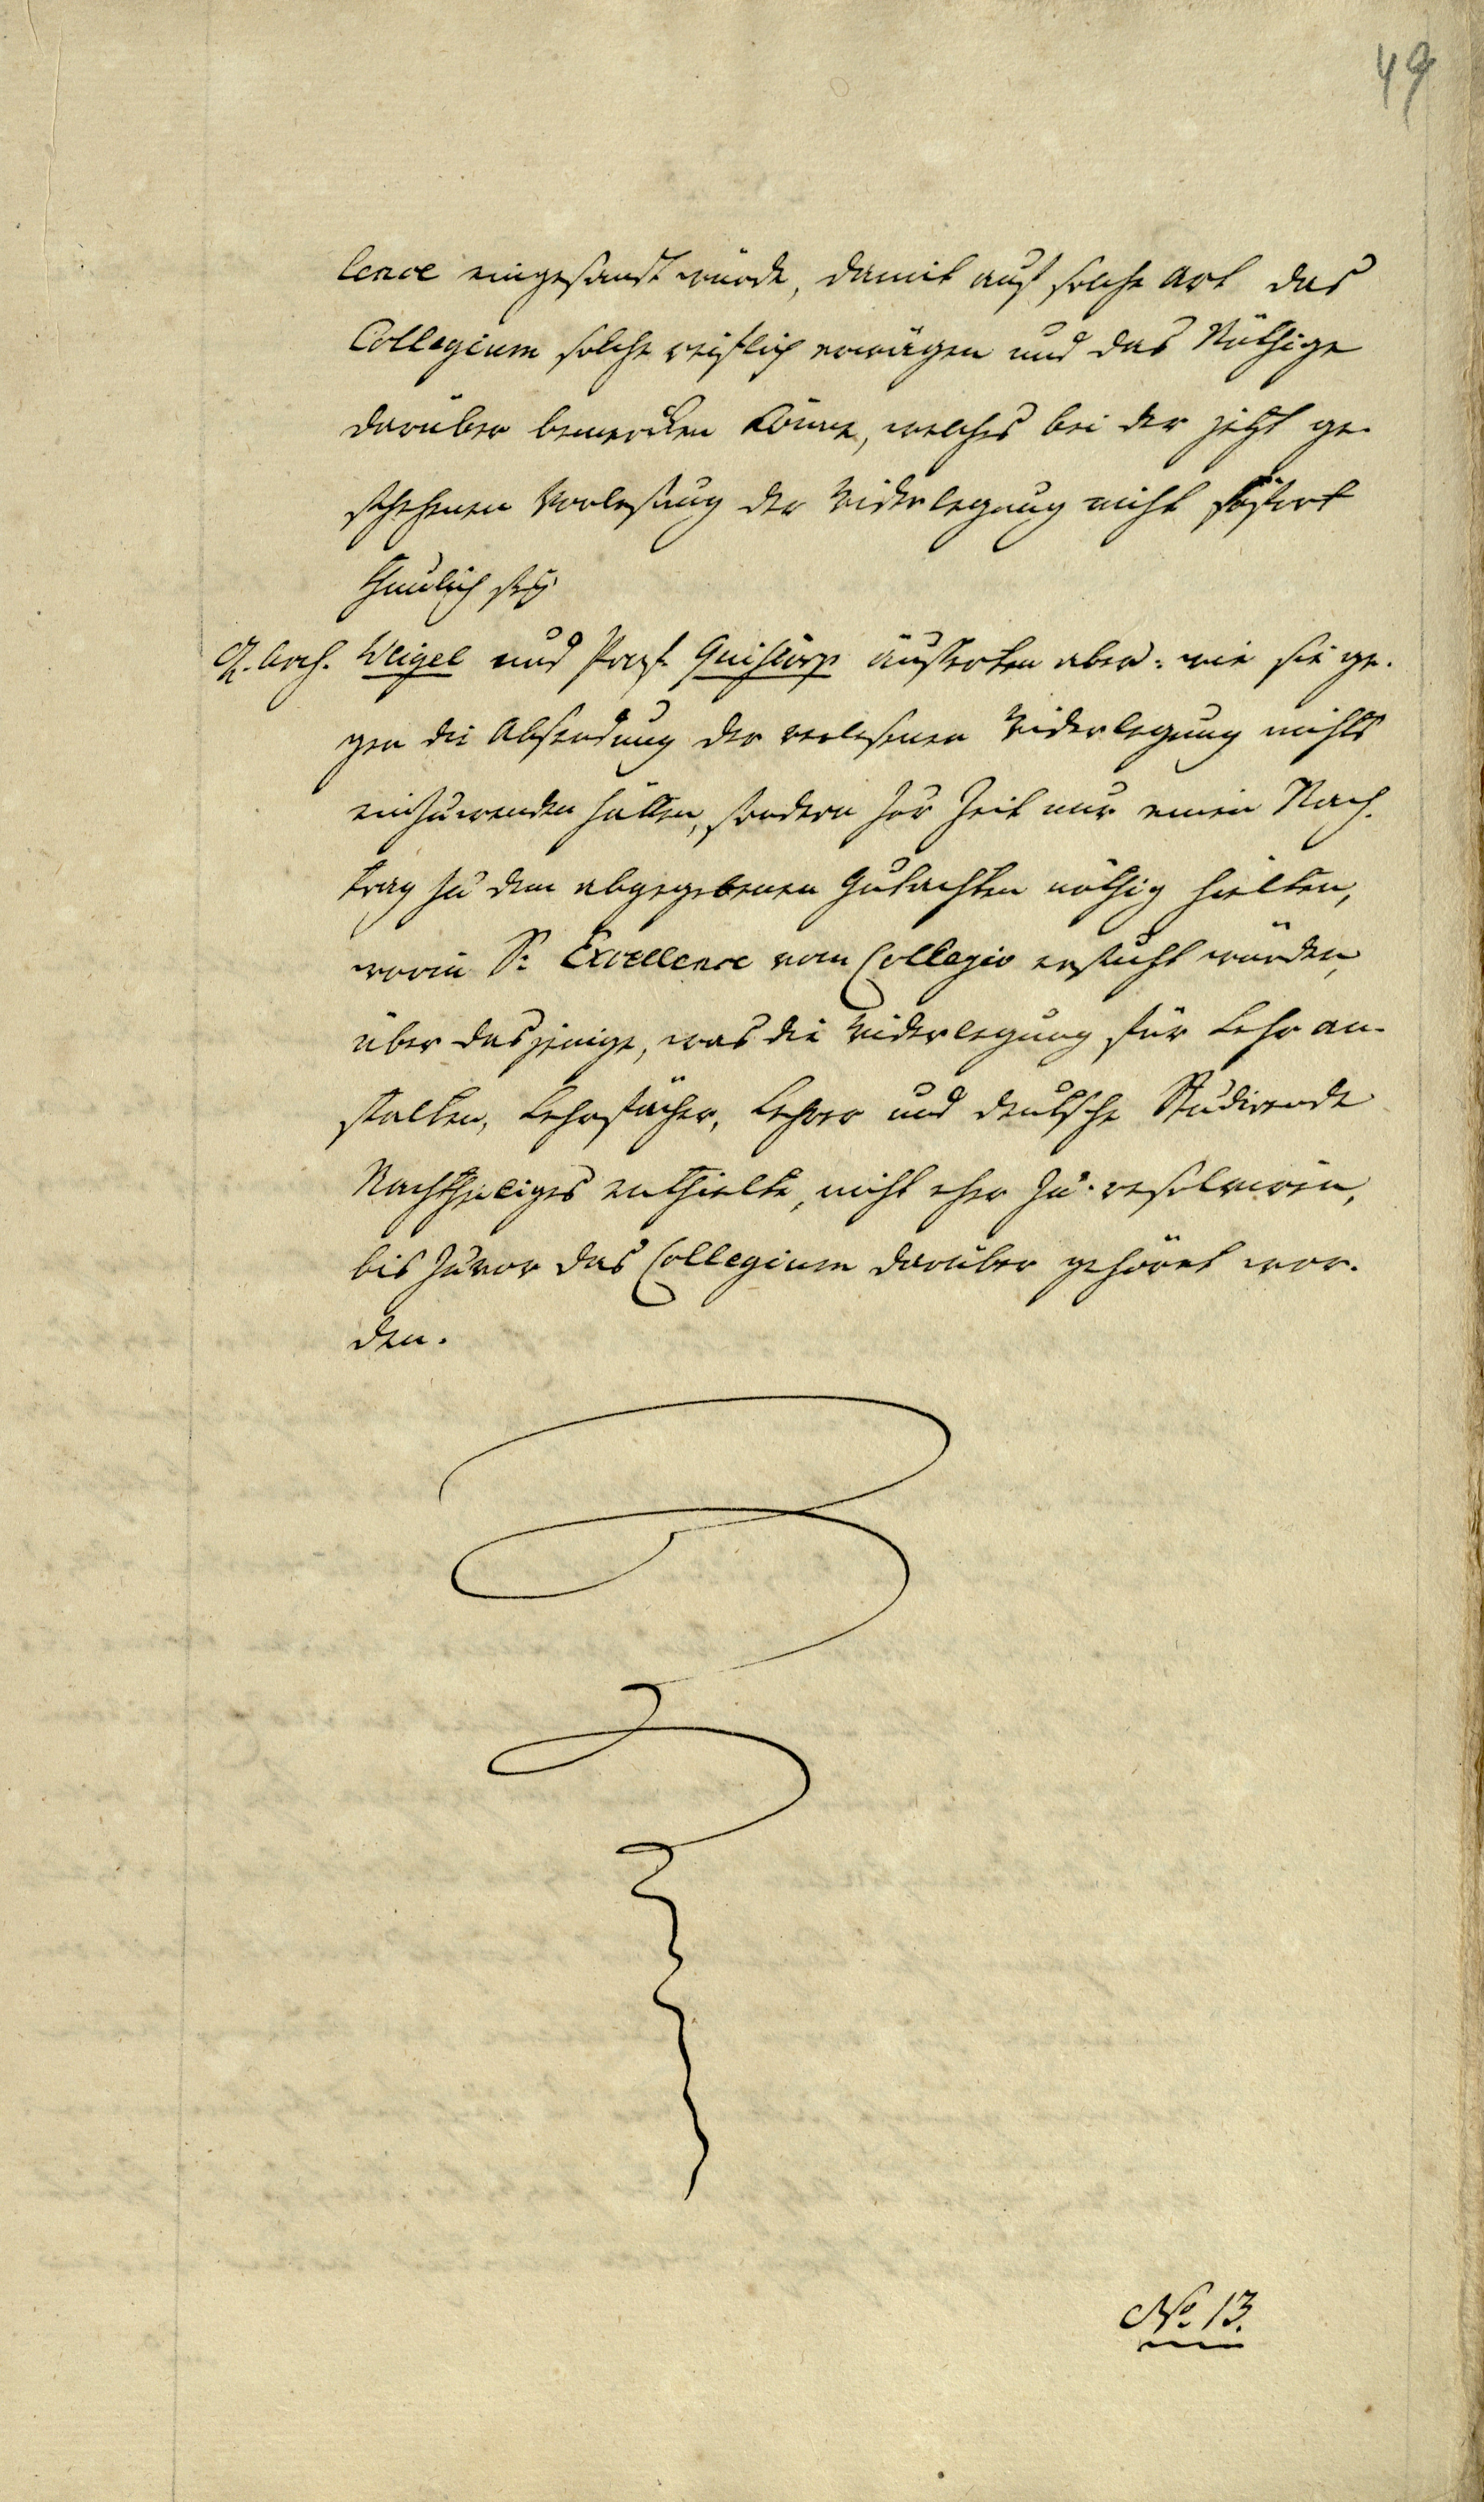lence eingesandt würde, damit auf solche Art das
Collegium solche reiflich erwägen und das Nöthige
darüber bemercken könne, welches bei der jetzt ge¬
geschehenen Vorlesung der Widerlegung nicht sofort
thunlich seÿ.
dh. Arch. Weigel und Prof. Quistorp äusserten aber: wie sie ge¬
gen die Absendung der verlesenen Widerlegung nichts
einzuwenden hätten, sondern zur Zeit nur einen Nach¬
trag zu dem abgegebenen Gutachten nöthig hielten,
worin Sr Excellence vom Collegio ersucht würden,
über dasjenige, was die Widerlegung für Lehran¬
stalten, Lehrfächer, Lehrer und deutsche Studirende
Nachtheiliges enthielte, nicht eher zu resolviren,
bis zuvor das Collegium darüber gehöret wor¬
den.
No 13.